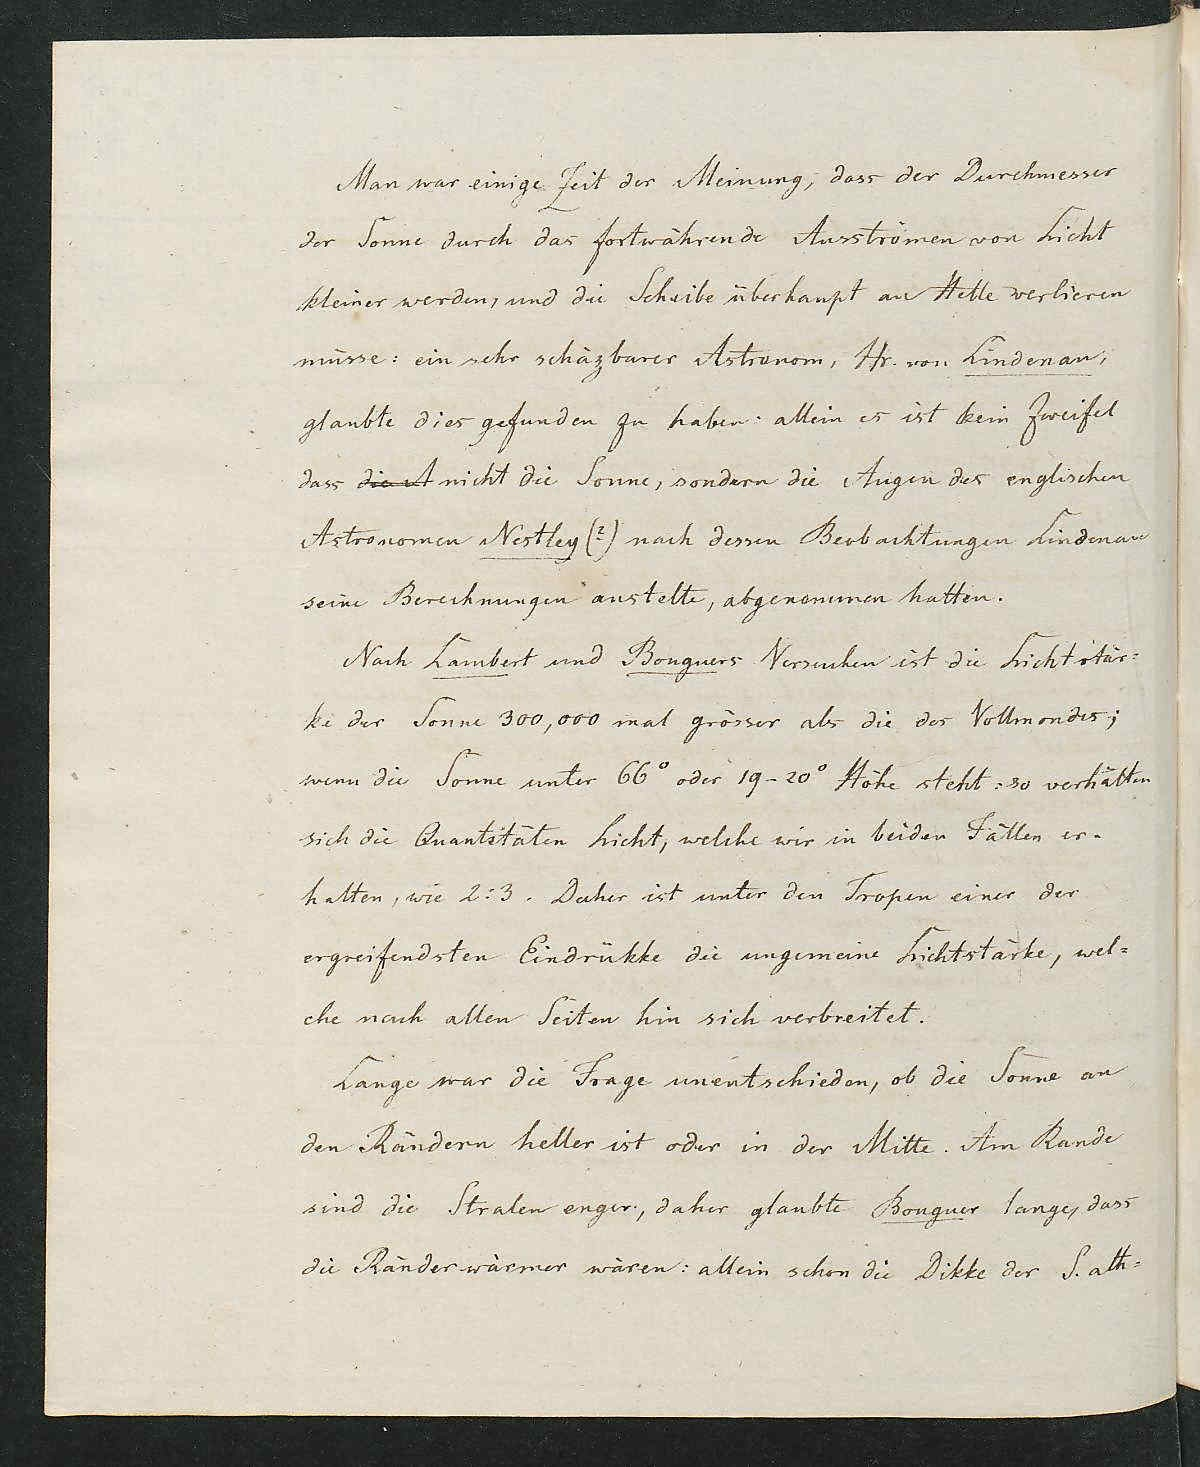Man war einige Zeit der Meinung, dass der Durchmesser
der Sonne durch das fortwährende Ausströmen von Licht
kleiner werden, und die Scheibe überhaupt an Helle verlieren
müsse: ein sehr schäzbarer Astronom, Hr. von Lindenau,
glaubte dies gefunden zu haben: allein es ist kein Zweifel
dass die A nicht die Sonne, sondern die Augen des englischen
Astronomen Nestley nach dessen Beobachtungen Lindenau
seine Berechnungen anstelte, abgenommen hatten.
Nach Lambert und Bouguers Versuchen ist die Lichtstär-
ke der Sonne 300,000 mal grösser als die des Vollmondes;
wenn die Sonne unter 66° oder 19–20° Höhe steht: so verha¨lten
sich die Quantitäten Licht, welche wir in beiden Fällen er-
halten, wie 2:3. Daher ist unter den Tropen einer der
ergreifendsten Eindrükke die ungemeine Lichtstärke, wel-
che nach allen Seiten hin sich verbreitet.
Lange war die Frage unentschieden, ob die Sonne an
den Rändern heller ist oder in der Mitte. Am Rande
sind die Stralen enger, daher glaubte Bouguer lange, dass
die Ränder wärmer wären: allein schon die Dikke der S.ath-